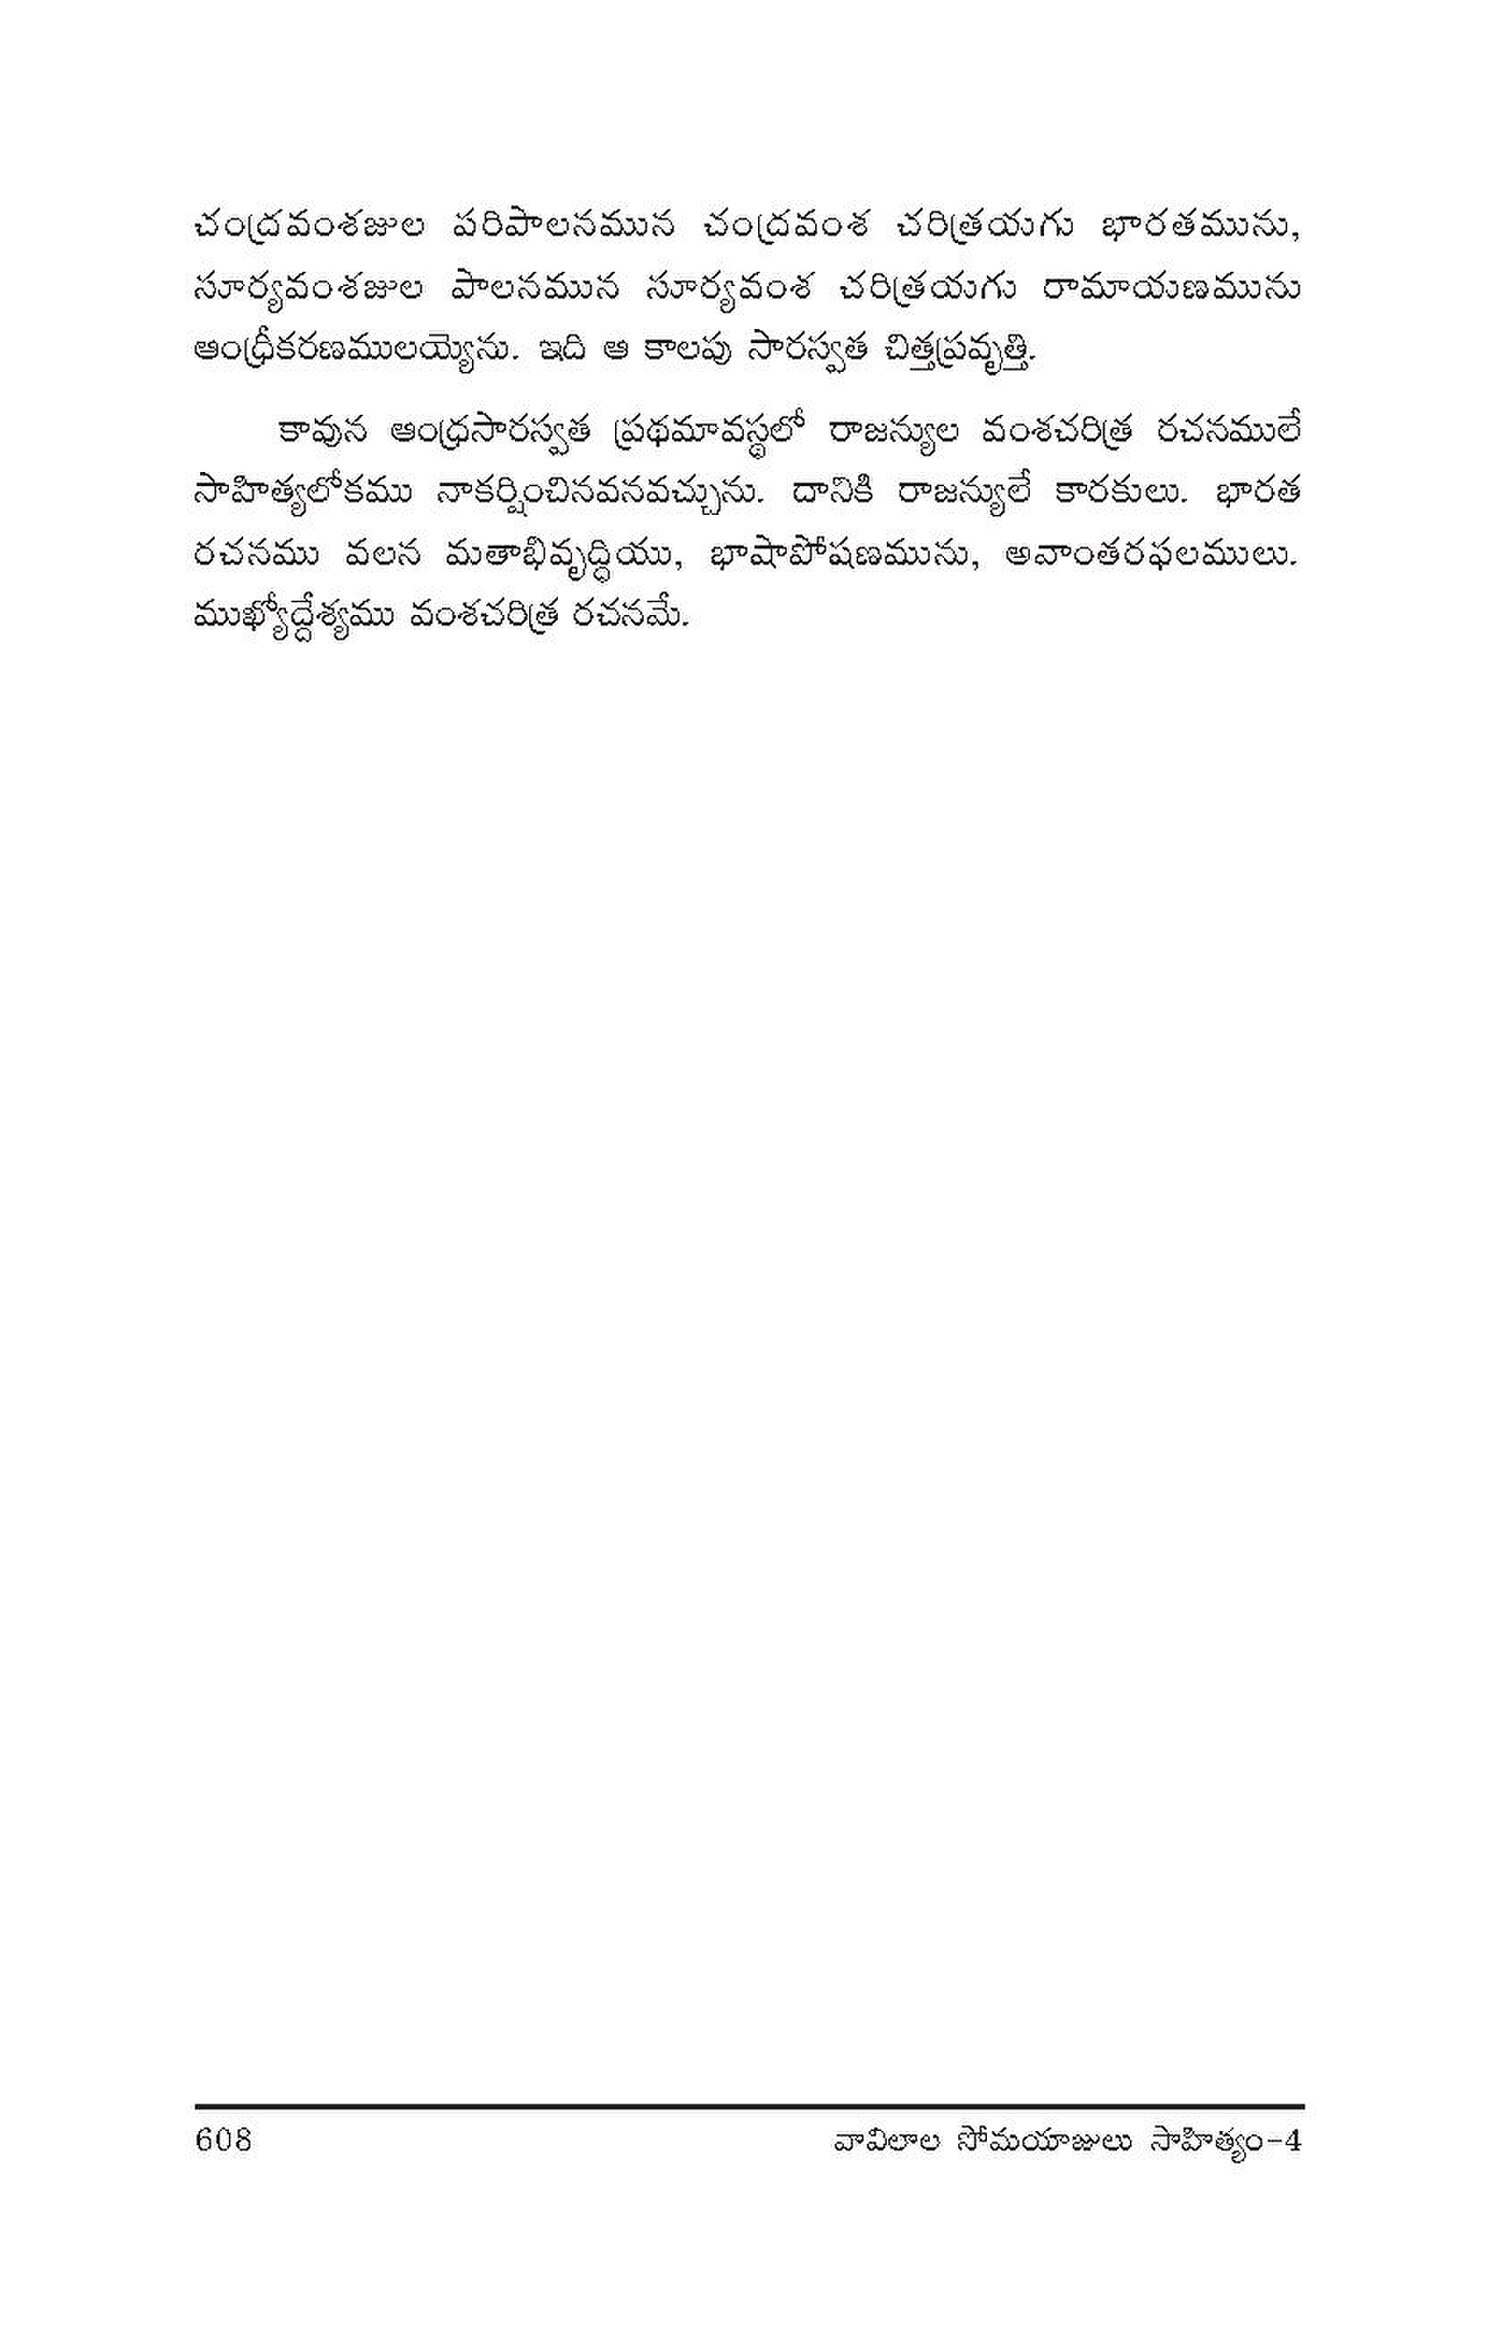చంద్రవంశజుల పరిపాలనమున చంద్రవంశ చరిత్రయము భారతమును, సూర్యవంశజుల పాలనమున సూర్యవంశ చరిత్రయగు రామాయణమును ఆంధ్రీకరణములయ్యెను. ఇది ఆ కాలపు సారస్వత చిత్తప్రవృత్తి. 

కావున ఆంధ్రసారస్వత ప్రథమావస్థలో రాజన్యుల వంశచరిత్ర రచనములే సాహిత్యలోకము నాకర్షించినవనవచ్చును. దానికి రాజన్యులే కారకులు. భారత రచనము వలన మతాభివృద్ధియు, భాషాపోషణమును, అవాంతరఫలములు. ముఖ్యోద్దేశ్యము వంశచరిత్ర రచనమే.